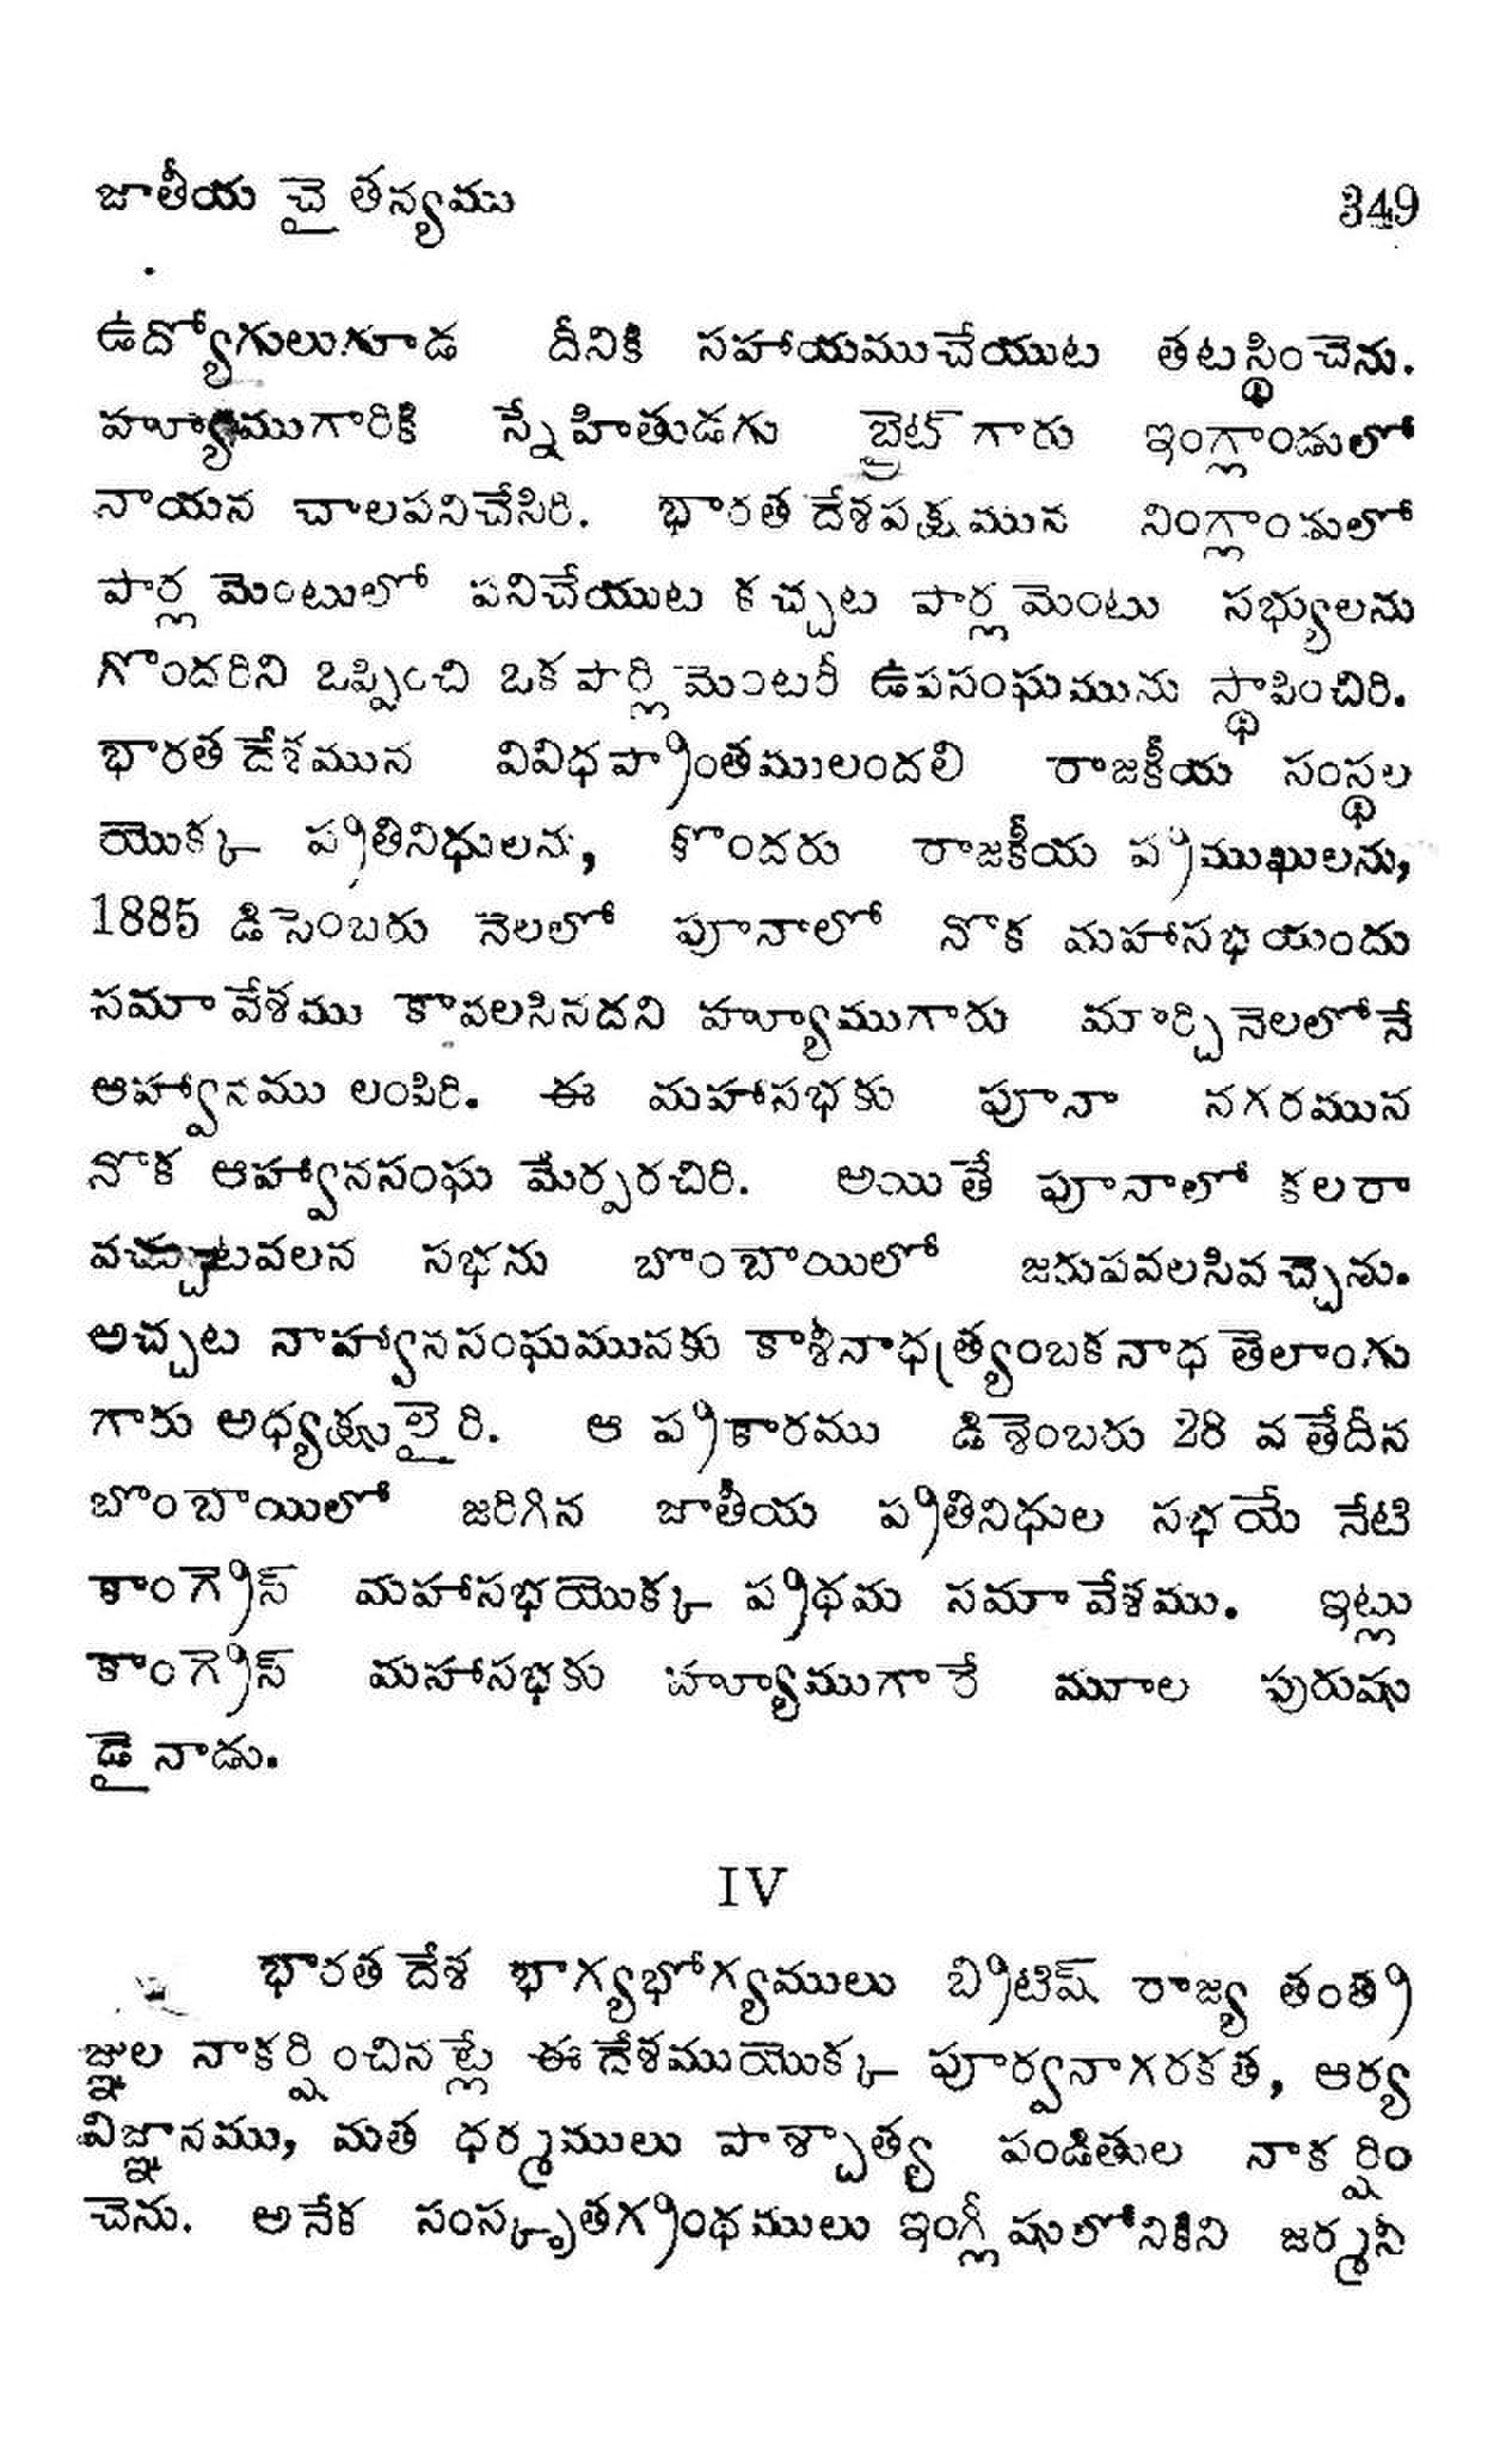ఉద్యోగులుగూడ దీనికి సహాయముచేయుట తటస్థించెను. హ్యూముగారికి స్నేహితుడగు బ్రైట్‌గారు ఇంగ్లాండులో నాయన చాలపనిచేసిరి. భారతదేశపక్షమున నింగ్లాండులో పార్లమెంటులో పనిచేయుట కచ్చట పార్లమెంటు సభ్యులను గొందరిని ఒప్పించి ఒక పార్లిమెంటరీ ఉపసంఘమును స్థాపించిరి. భారతదేశమున వివిధప్రాంతములందలి రాజకీయ సంస్థలయొక్క ప్రతినిధులను, కొందరు రాజకీయ ప్రముఖులను, 1885 డిసెంబరు నెలలో పూనాలో నొక మహాసభయందు సమావేశము కావలసినదని హ్యూముగారు మార్చినెలలోనే ఆహ్వానము లంపిరి. ఈ మహాసభకు పూనా నగరమున నొక ఆహ్వానసంఘ మేర్పరచిరి. అయితే పూనాలో కలరా వచ్చుటవలన సభను బొంబాయిలో జరుపవలసివచ్చెను. అచ్చట నాహ్వానసంఘమునకు కాశీనాధత్ర్యంబకనాధ తెలాంగుగారు అధ్యక్షులైరి. ఆ ప్రకారము డిశెంబరు 28 వ తేదీన
బొంబాయిలో జరిగిన జాతీయ ప్రతినిధుల సభయే నేటి కాంగ్రెస్ మహాసభయొక్క ప్రథమ సమావేశము. ఇట్లు కాంగ్రెస్ మహాసభకు హ్యూముగారే మూల పురుషుడైనాడు.

IV 

భారతదేశ భాగ్యభోగ్యములు బ్రిటిష్ రాజ్య తంత్రజ్ఞుల నాకర్షించినట్లే ఈదేశముయొక్క పూర్వనాగరకత, ఆర్య విజ్ఞానము, మత ధర్మములు పాశ్చాత్య పండితుల నాకర్షించెను. అనేక సంస్కృతగ్రంథములు ఇంగ్లీషులోనికిని జర్మనీ